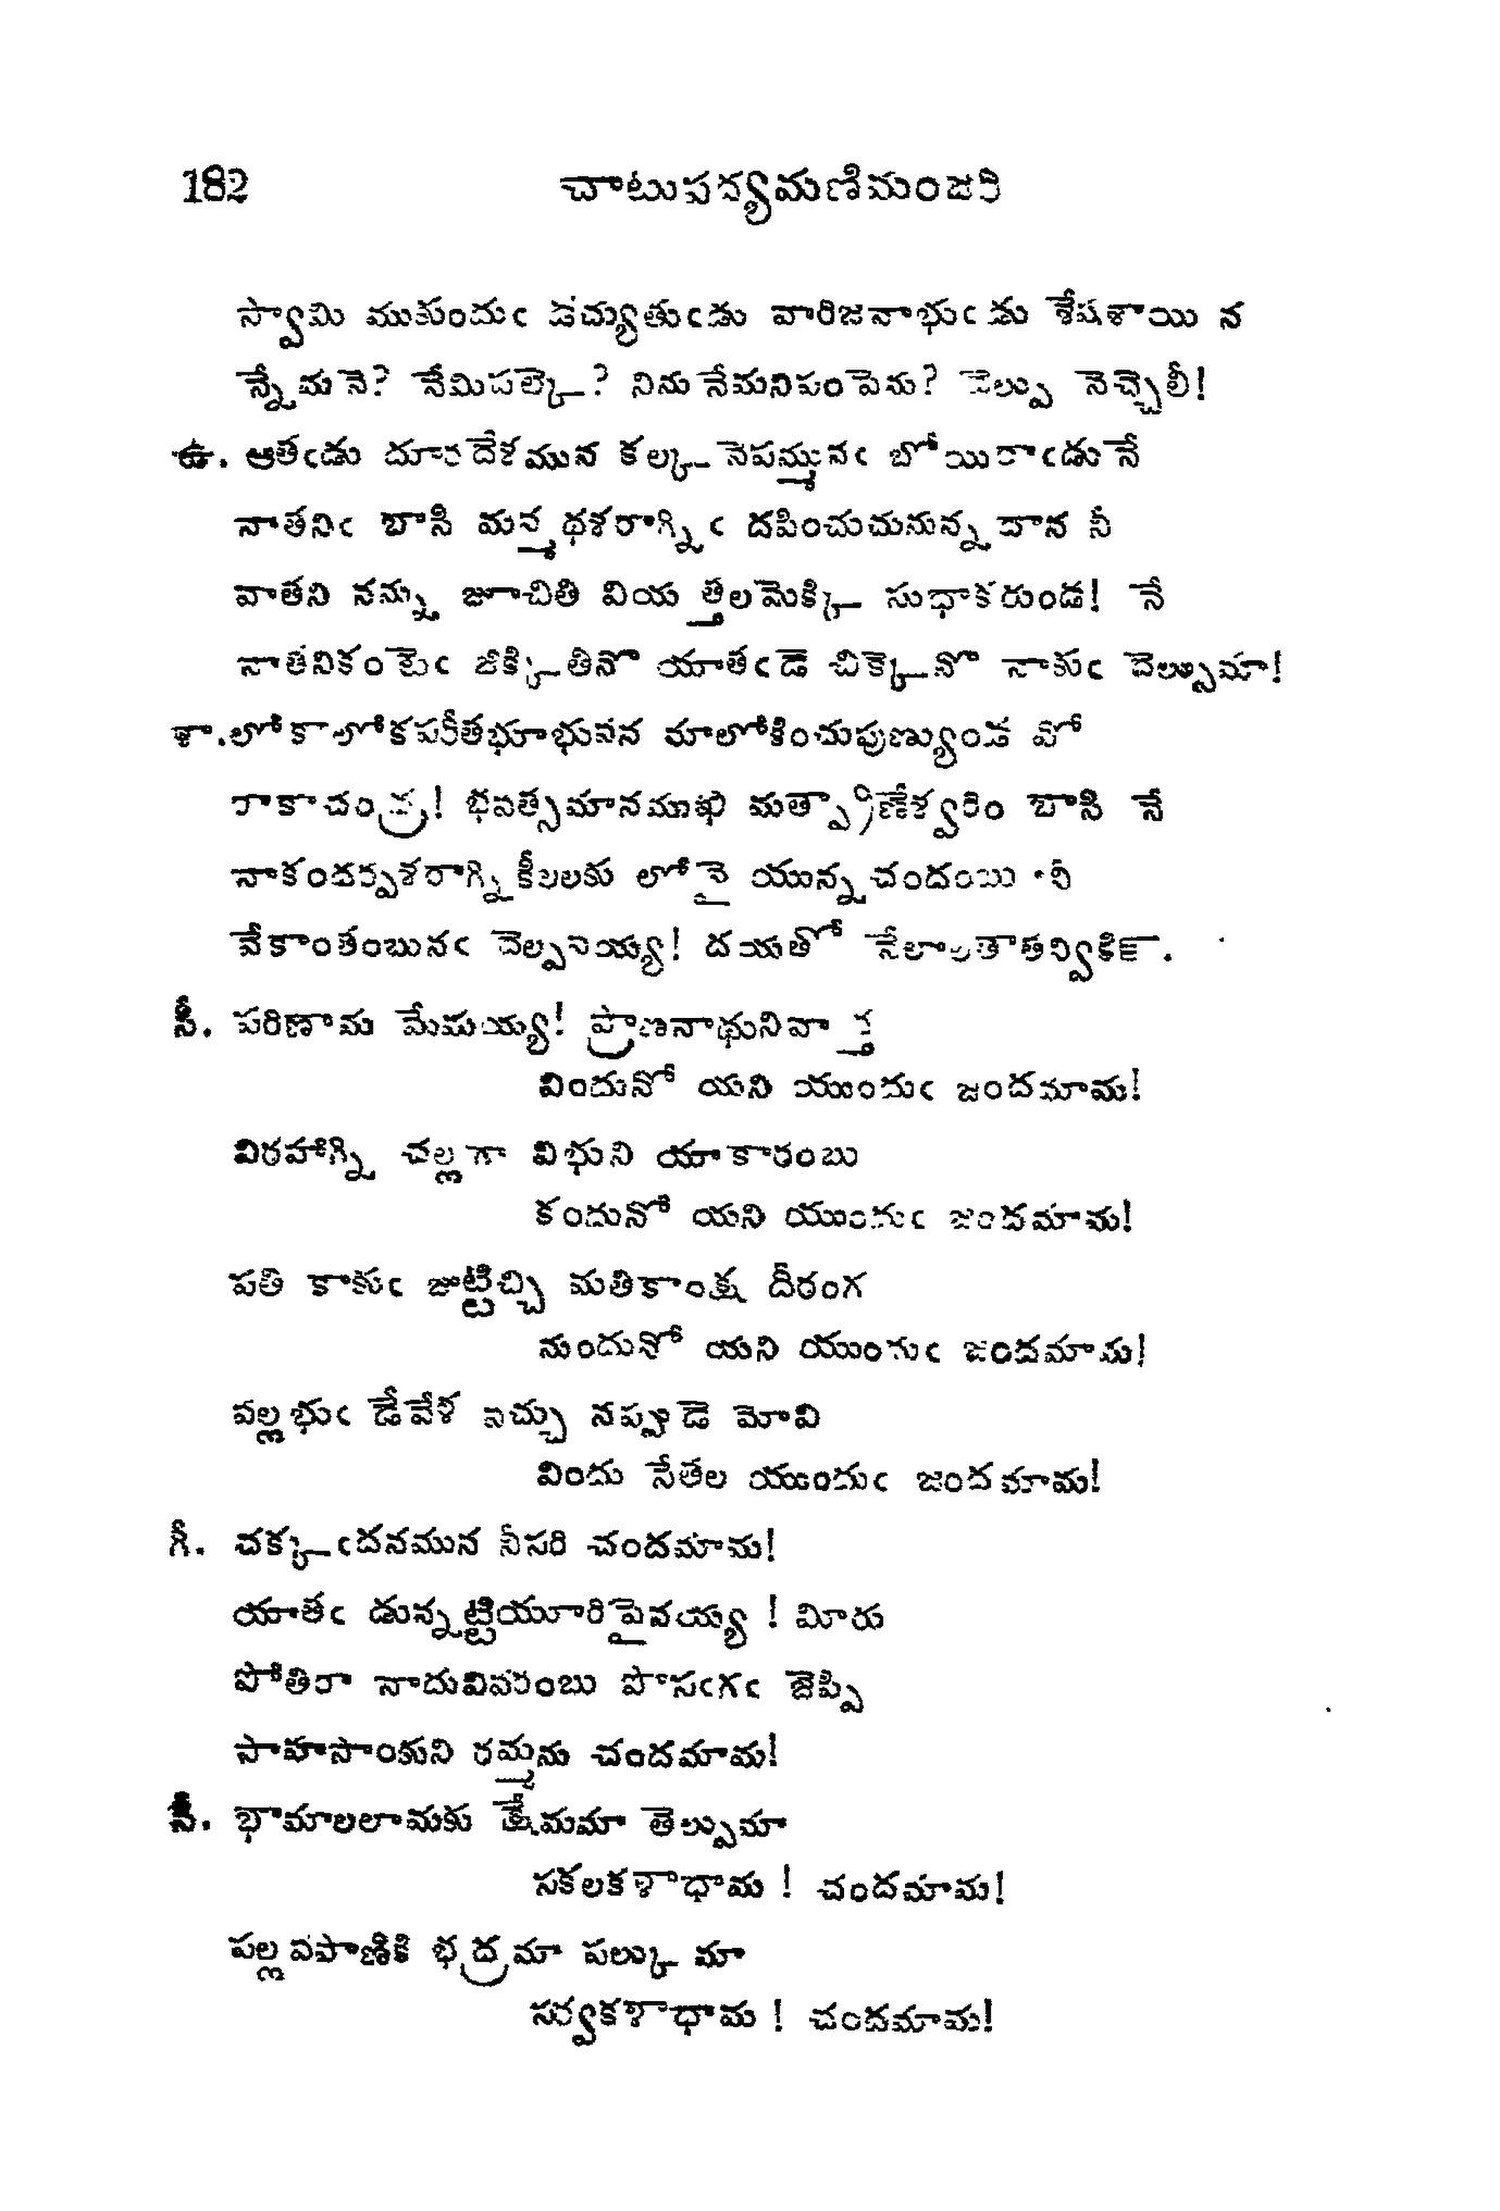స్వామి ముకుందుఁ డచ్యుతుఁడు వారిజనాభుఁడు శేషశాయి న
 న్నేమనె? నేమి పల్కె? నిను నేమని పంపెను? దెల్పు నెచ్చెలీ.
ఉ. ఆతఁడు దూరదేశమున కల్కనెపమ్మునఁ బోయి రాఁడు నే
 నాతనిఁ బాపి మన్మథశరాగ్నిఁ దపించుచునున్నదాన నీ
 వాతని నన్నుఁ జూచితి వియత్తల మెక్కి సుధాకరుండ! నే
 నాతనికంటెఁ జిక్కితినొ యాతఁడె చిక్కెనొ నాకుఁ దెల్పుమా!
శా. లోకాలోకపరీతభూభువన మాలోకించి పుణ్యుండ వో
 రాకాచంద్ర! భవత్సమానముఖి మత్ప్రాణేశ్వరిం బాసి నే
 నాకందర్పశరాగ్నికీలలకు లోనై యున్నచందంబు నీ
 వేకాంతంబునఁ దెల్పవయ్య! దయతో నేలాలతాతన్వికిన్.
సీ. పరిణామ మేమయ్య! ప్రాణనాథునివార్త
 విందునో యని యుందుఁ జందమామ!
 విరహాగ్ని చల్లగా విభునియాకారంబు
 కందునో యని యుందుఁ జందమామ!
 పతి కాకుఁ జుట్టిచ్చి మతికాంక్ష దీరంగ
 నుందునో యని యుందుఁ జందమామ!
 వల్లభుఁ డేవేళ వచ్చు నప్పుడె మోవి
 విందు సేతని యుందుఁ జందమామ!
గీ. చక్కఁదనమున నీసరి చందమామ!
 యాతఁ డున్నట్టి యూరిపై నయ్య! మీరు
 పోతిరా నాదువివరంబు పొసఁగఁ జెప్పి
 సాహసాంకుని రమ్మను చందమామ!
సీ. భామాలలామకు క్షేమమా తెల్పుమా
 సకలకళాధామ! చందమామ!
 పల్లవపాణికి భద్రమా పల్కుమా
 సర్వకళాధామ! చందమామ!